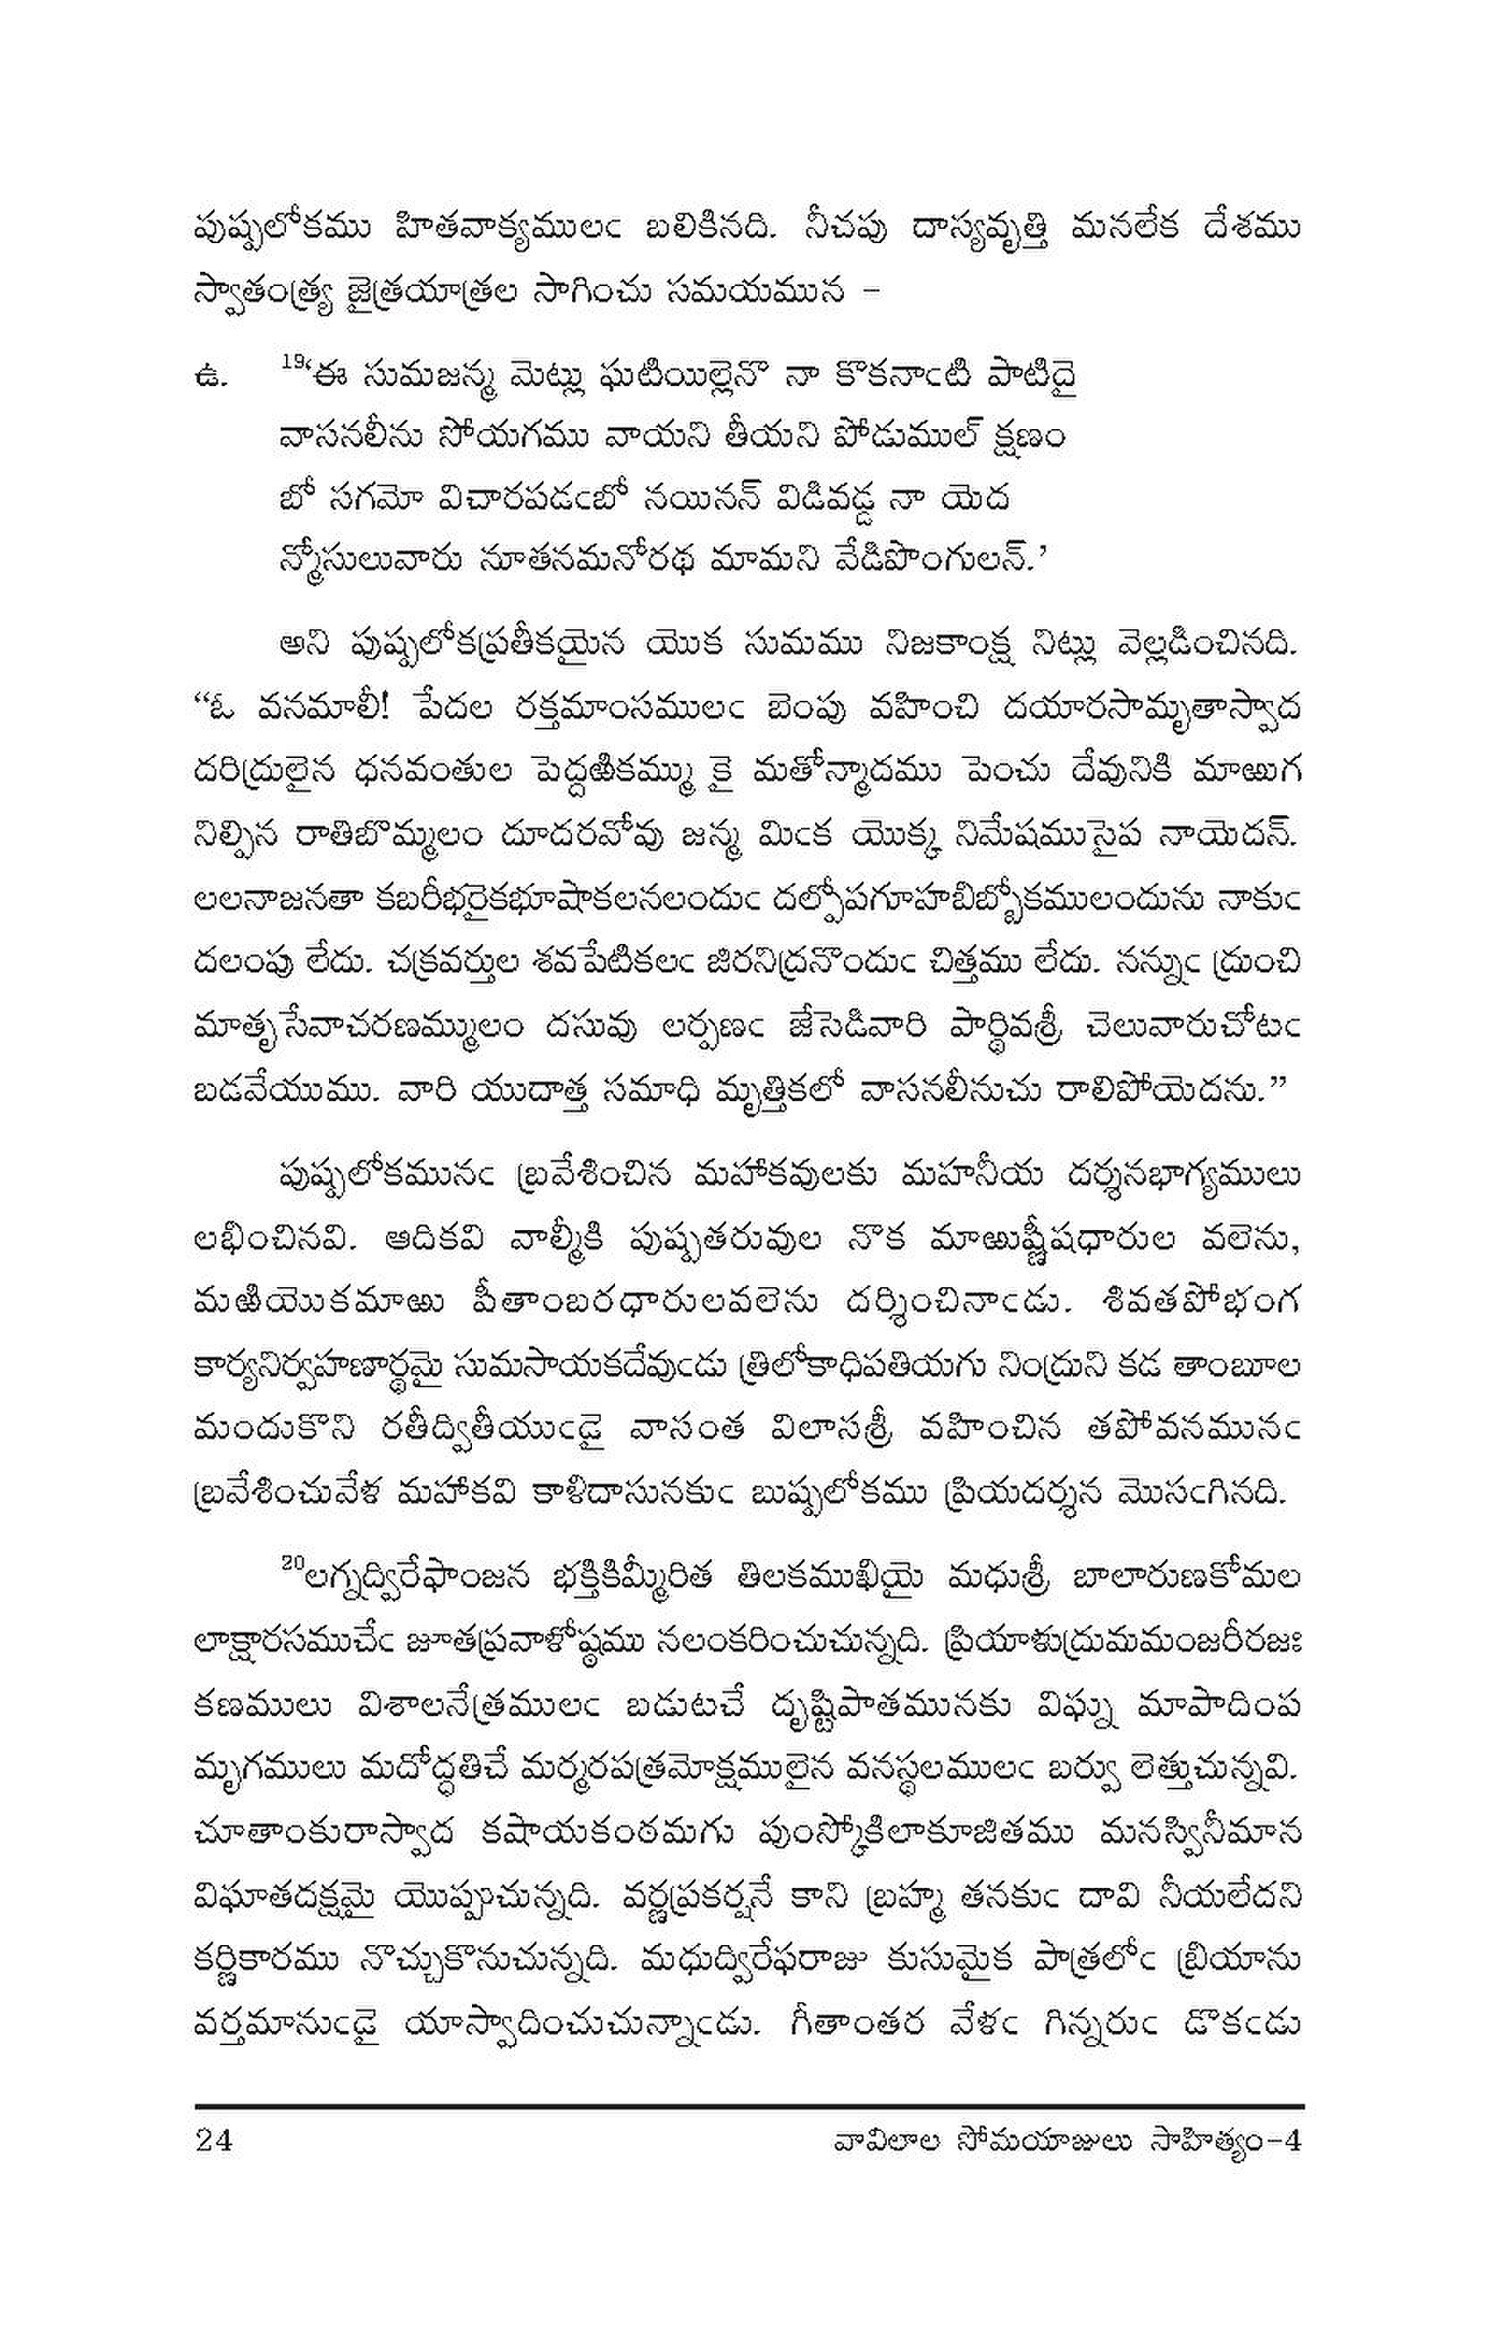పుష్పలోకము హితవాక్యములఁ బలికినది. నీచపు దాస్యవృత్తి మనలేక దేశము
స్వాతంత్య్రజైత్రయాత్రల సాగించు సమయమున -

ఉ. ఈ సుమజన్మ మెట్లు ఘటియిల్లెనొ నా కొకనాఁటి పాటిదై
 వాసనలీను సోయగము వాయని తీయని పోడుముల్ క్షణం
 బో సగమో విచారపడఁబో నయినన్ విడివడ్డ నా యెద
 న్మోసులువారు నూతనమనోరథ మామని వేడిపొంగులన్.’

అని పుష్పలోకప్రతీకయైన యొక సుమము నిజకాంక్ష నిట్లు వెల్లడించినది.
"ఓ వనమాలీ! పేదల రక్తమాంసములఁ బెంపు వహించి దయారసామృతాస్వాద
దరిద్రులైన ధనవంతుల పెద్దఱికమ్ము కై మతోన్మాదము పెంచు దేవునికి మాఱుగ
నిల్పిన రాతిబొమ్మలం దూదరవోవు జన్మ మిఁక యొక్క నిమేషముసైప నాయెదన్.
లలనాజనతా కబరీభరైకభూషాకలనలందుఁ దల్పోపగూహబిబ్బోకములందును నాకుఁ
దలంపు లేదు. చక్రవర్తుల శవపేటికలఁ జీరనిద్రనొందుఁ చిత్తము లేదు. నన్నుఁ ద్రుంచి
మాతృసేవాచరణమ్ములం దసువు లర్పణఁ జేసెడివారి పార్థివశ్రీ చెలువారుచోటఁ
బడవేయుము. వారి యుదాత్త సమాధి మృత్తికలో వాసనలీనుచు రాలిపోయెదను.”

పుష్పలోకమునఁ బ్రవేశించిన మహాకవులకు మహనీయ దర్శనభాగ్యములు
లభించినవి. ఆదికవి వాల్మీకి పుష్పతరువుల నొక మాఱుష్ణీషధారుల వలెను,
మఱియొకమాఱు పీతాంబరధారులవలెను దర్శించినాఁడు. శివతపోభంగ
కార్యనిర్వహణార్థమై సుమసాయకదేవుఁడు త్రిలోకాధిపతియగు నింద్రుని కడ తాంబూల
మందుకొని రతీద్వితీయుఁడై వాసంత విలాసశ్రీ వహించిన తపోవనమునఁ
బ్రవేశించునేళ మహాకవి కాళిదాసునకుఁ బుష్పలోకము ప్రియదర్శన మొసఁగినది.

లగ్నద్విరేఫాంజన భక్తికిమ్మీరిత తిలకముఖియై మధుశ్రీ బాలారుణకోమల
లాక్షారసముచేఁ జూతప్రవాళోష్ఠము నలంకరించుచున్నది. ప్రియాళుద్రుమమంజరీరజః
కణములు విశాలనేత్రములఁ బడుటచే దృష్టిపాతమునకు విఘ్న మాపాదింప
మృగములు మదోద్ధతిచే మర్మరపత్రమోక్షములైన వనస్థలములఁ బర్వు లెత్తుచున్నవి.
చూతాంకురాస్వాద కషాయకంఠమగు పుంస్కోకిలాకూజితము మనస్వినీమాన
విఘాతదక్షమై యొప్పుచున్నది. వర్ణప్రకర్షనే కాని బ్రహ్మ తనకుఁ దావి నీయలేదని
కర్ణికారము నొచ్చుకొనుచున్నది. మధుద్విరేఫరాజు కుసుమైక పాత్రలోఁ బ్రియాను
వర్తమానుఁడై యాస్వాదించుచున్నాఁడు. గీతాంతర వేళఁ గిన్నరుఁ డొకఁడు